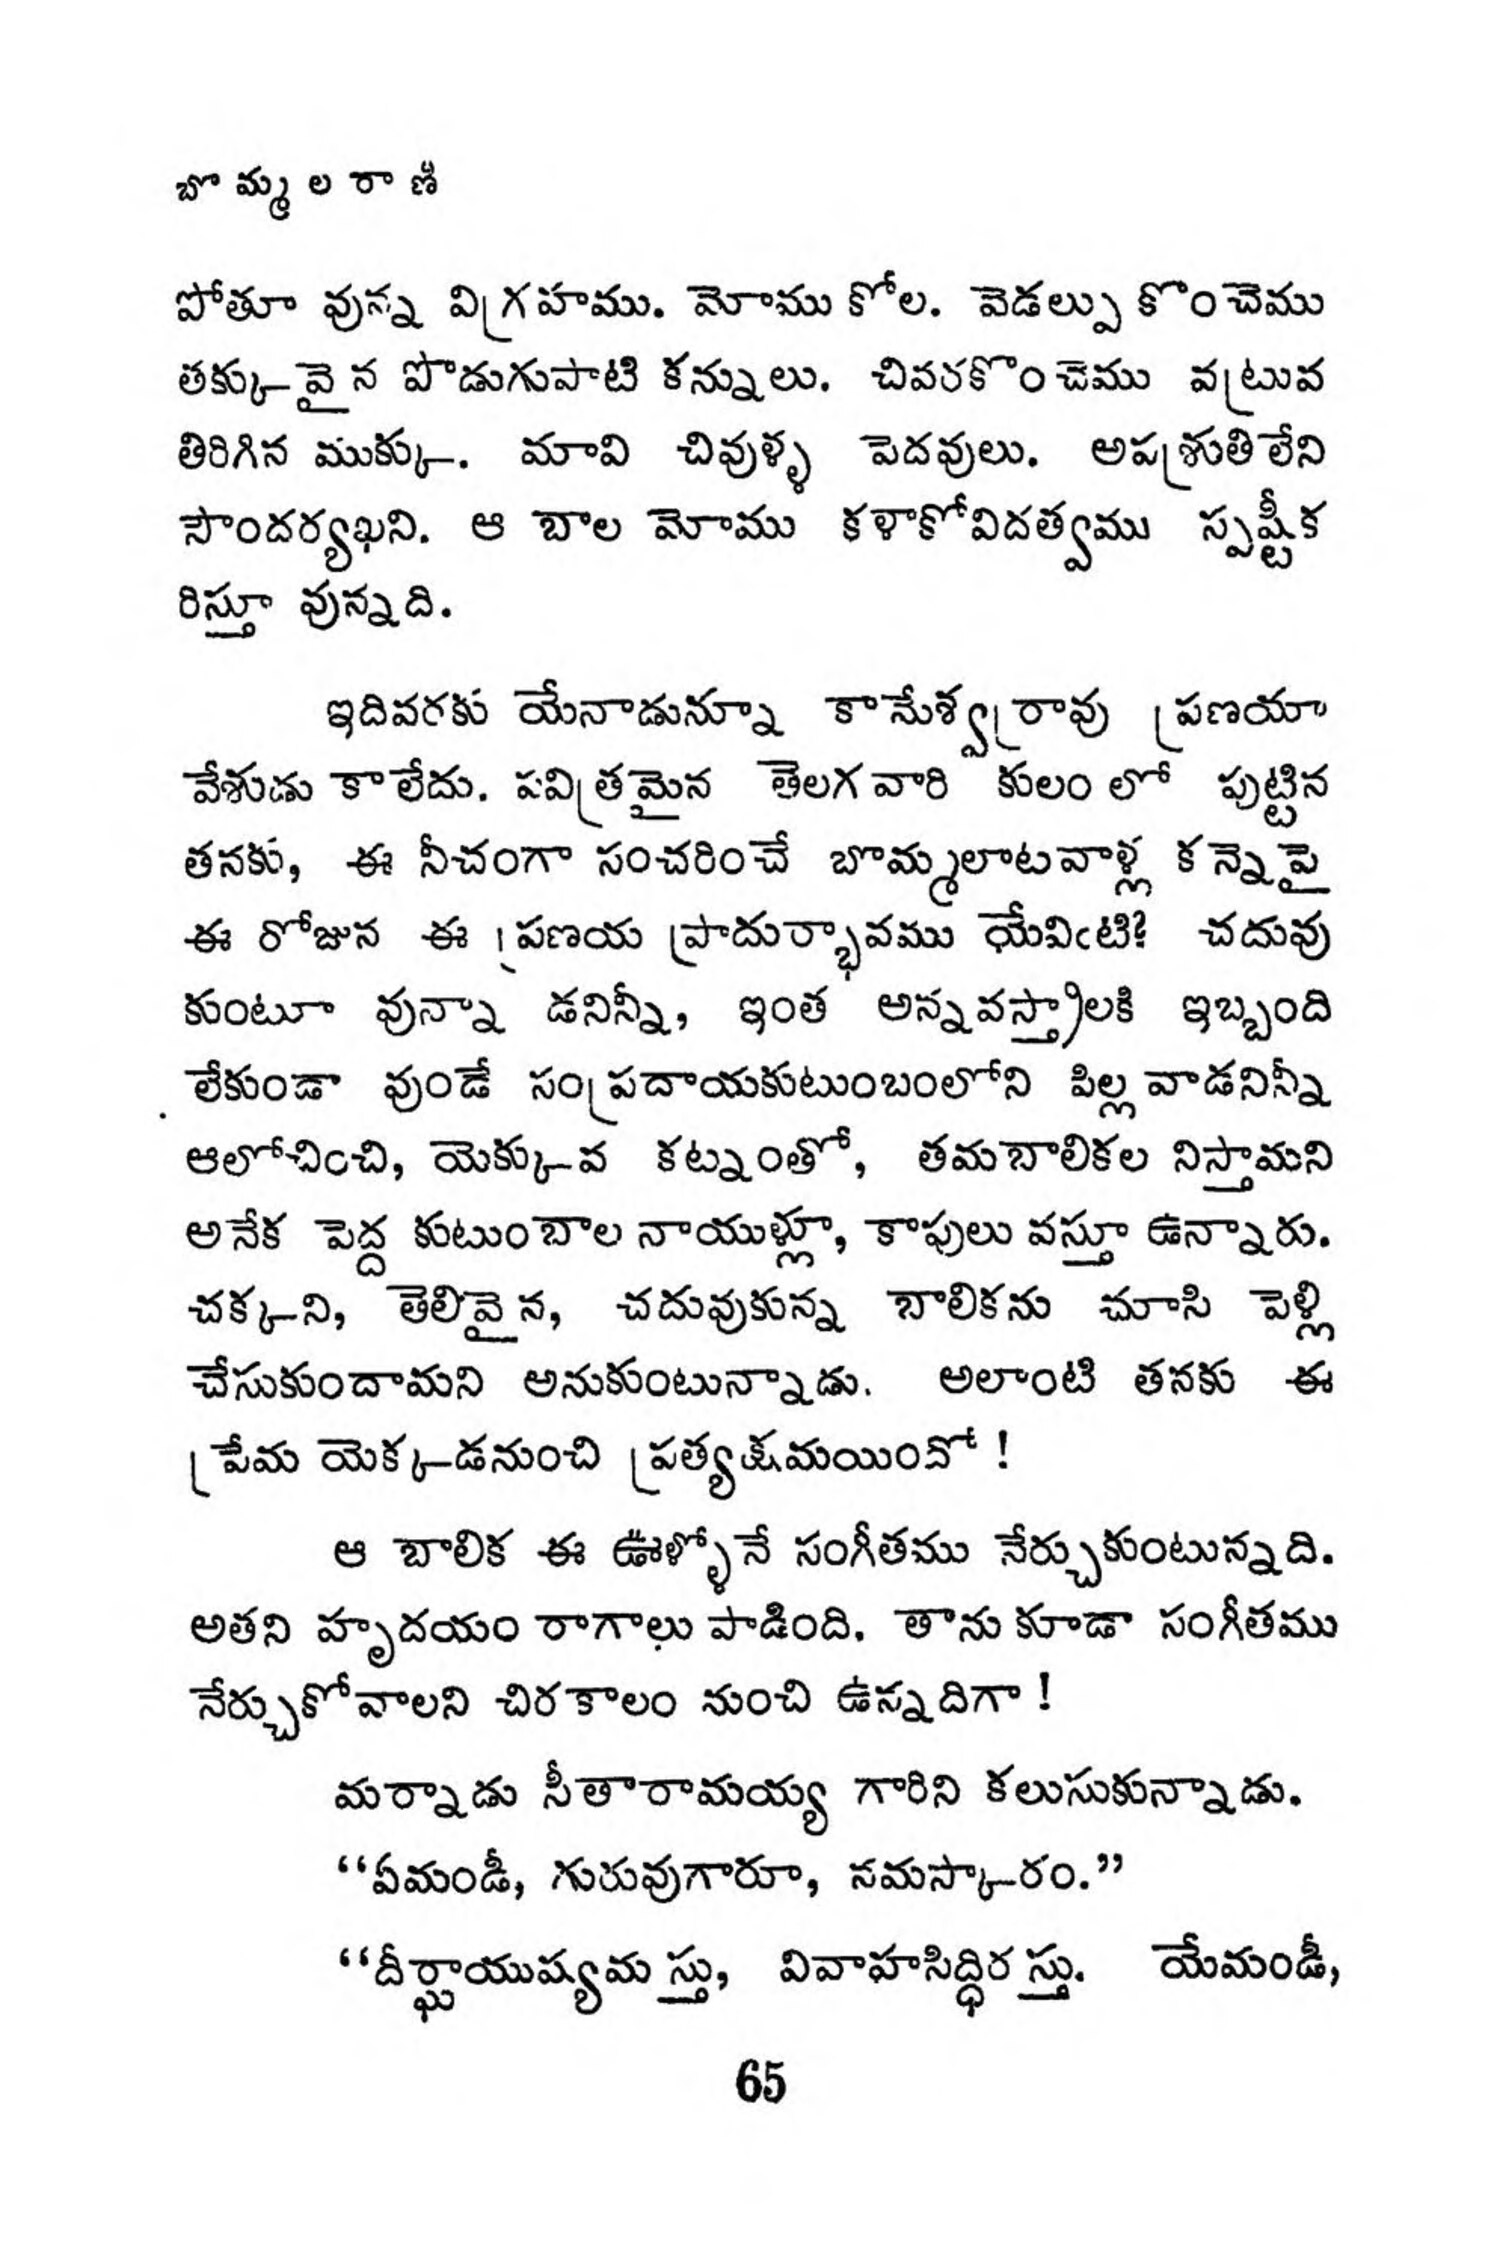పోతూ వున్న విగ్రహము. మోము కోల. వెడల్పు కొంచెము తక్కువైన పొడుగుపాటి కన్నులు. చివరకొంచెము వట్రువ తిరిగిన ముక్కు. మావి చివుళ్ళ పెదవులు. అపశ్రుతిలేని సౌందర్యఖని. ఆ బాల మోము కళాకోవిదత్వము స్పష్టీకరిస్తూ వున్నది.

ఇదివరకు యేనాడున్నూ కామేశ్వర్రావు ప్రణయావేశుడు కాలేదు. పవిత్రమైన తెలగవారి కులం లో పుట్టిన తనకు, ఈ నీచంగా సంచరించే బొమ్మలాటవాళ్ల కన్నెపై ఈ రోజున ఈ ప్రణయ ప్రాదుర్భావము యేవిఁటి? చదువుకుంటూ వున్నా డనిన్నీ, ఇంత అన్నవస్త్రాలకి ఇబ్బంది లేకుండా వుండే సంప్రదాయకుటుంబంలోని పిల్ల వాడనిన్నీ ఆలోచించి, యెక్కువ కట్నంతో, తమబాలికల నిస్తామని అనేక పెద్ద కుటుంబాల నాయుళ్లూ, కాపులు వస్తూ ఉన్నారు. చక్కని, తెలివైన, చదువుకున్న బాలికను చూసి పెళ్లి చేసుకుందామని అనుకుంటున్నాడు. ఆలాంటి తనకు ఈ ప్రేమ యెక్కడనుంచి ప్రత్యక్షమయిందో!

ఆ బాలిక ఈ ఊళ్ళోనే సంగీతము నేర్చుకుంటున్నది. అతని హృదయం రాగాలు పాడింది. తాను కూడా సంగీతము నేర్చుకోవాలని చిరకాలం నుంచి ఉన్నదిగా !

మర్నాడు సీతారామయ్య గారిని కలుసుకున్నాడు.

"ఏమండీ, గురువుగారూ, నమస్కారం."

"దీర్ఘాయుష్యమస్తు, వివాహసిద్ధిరస్తు. యేమండీ,